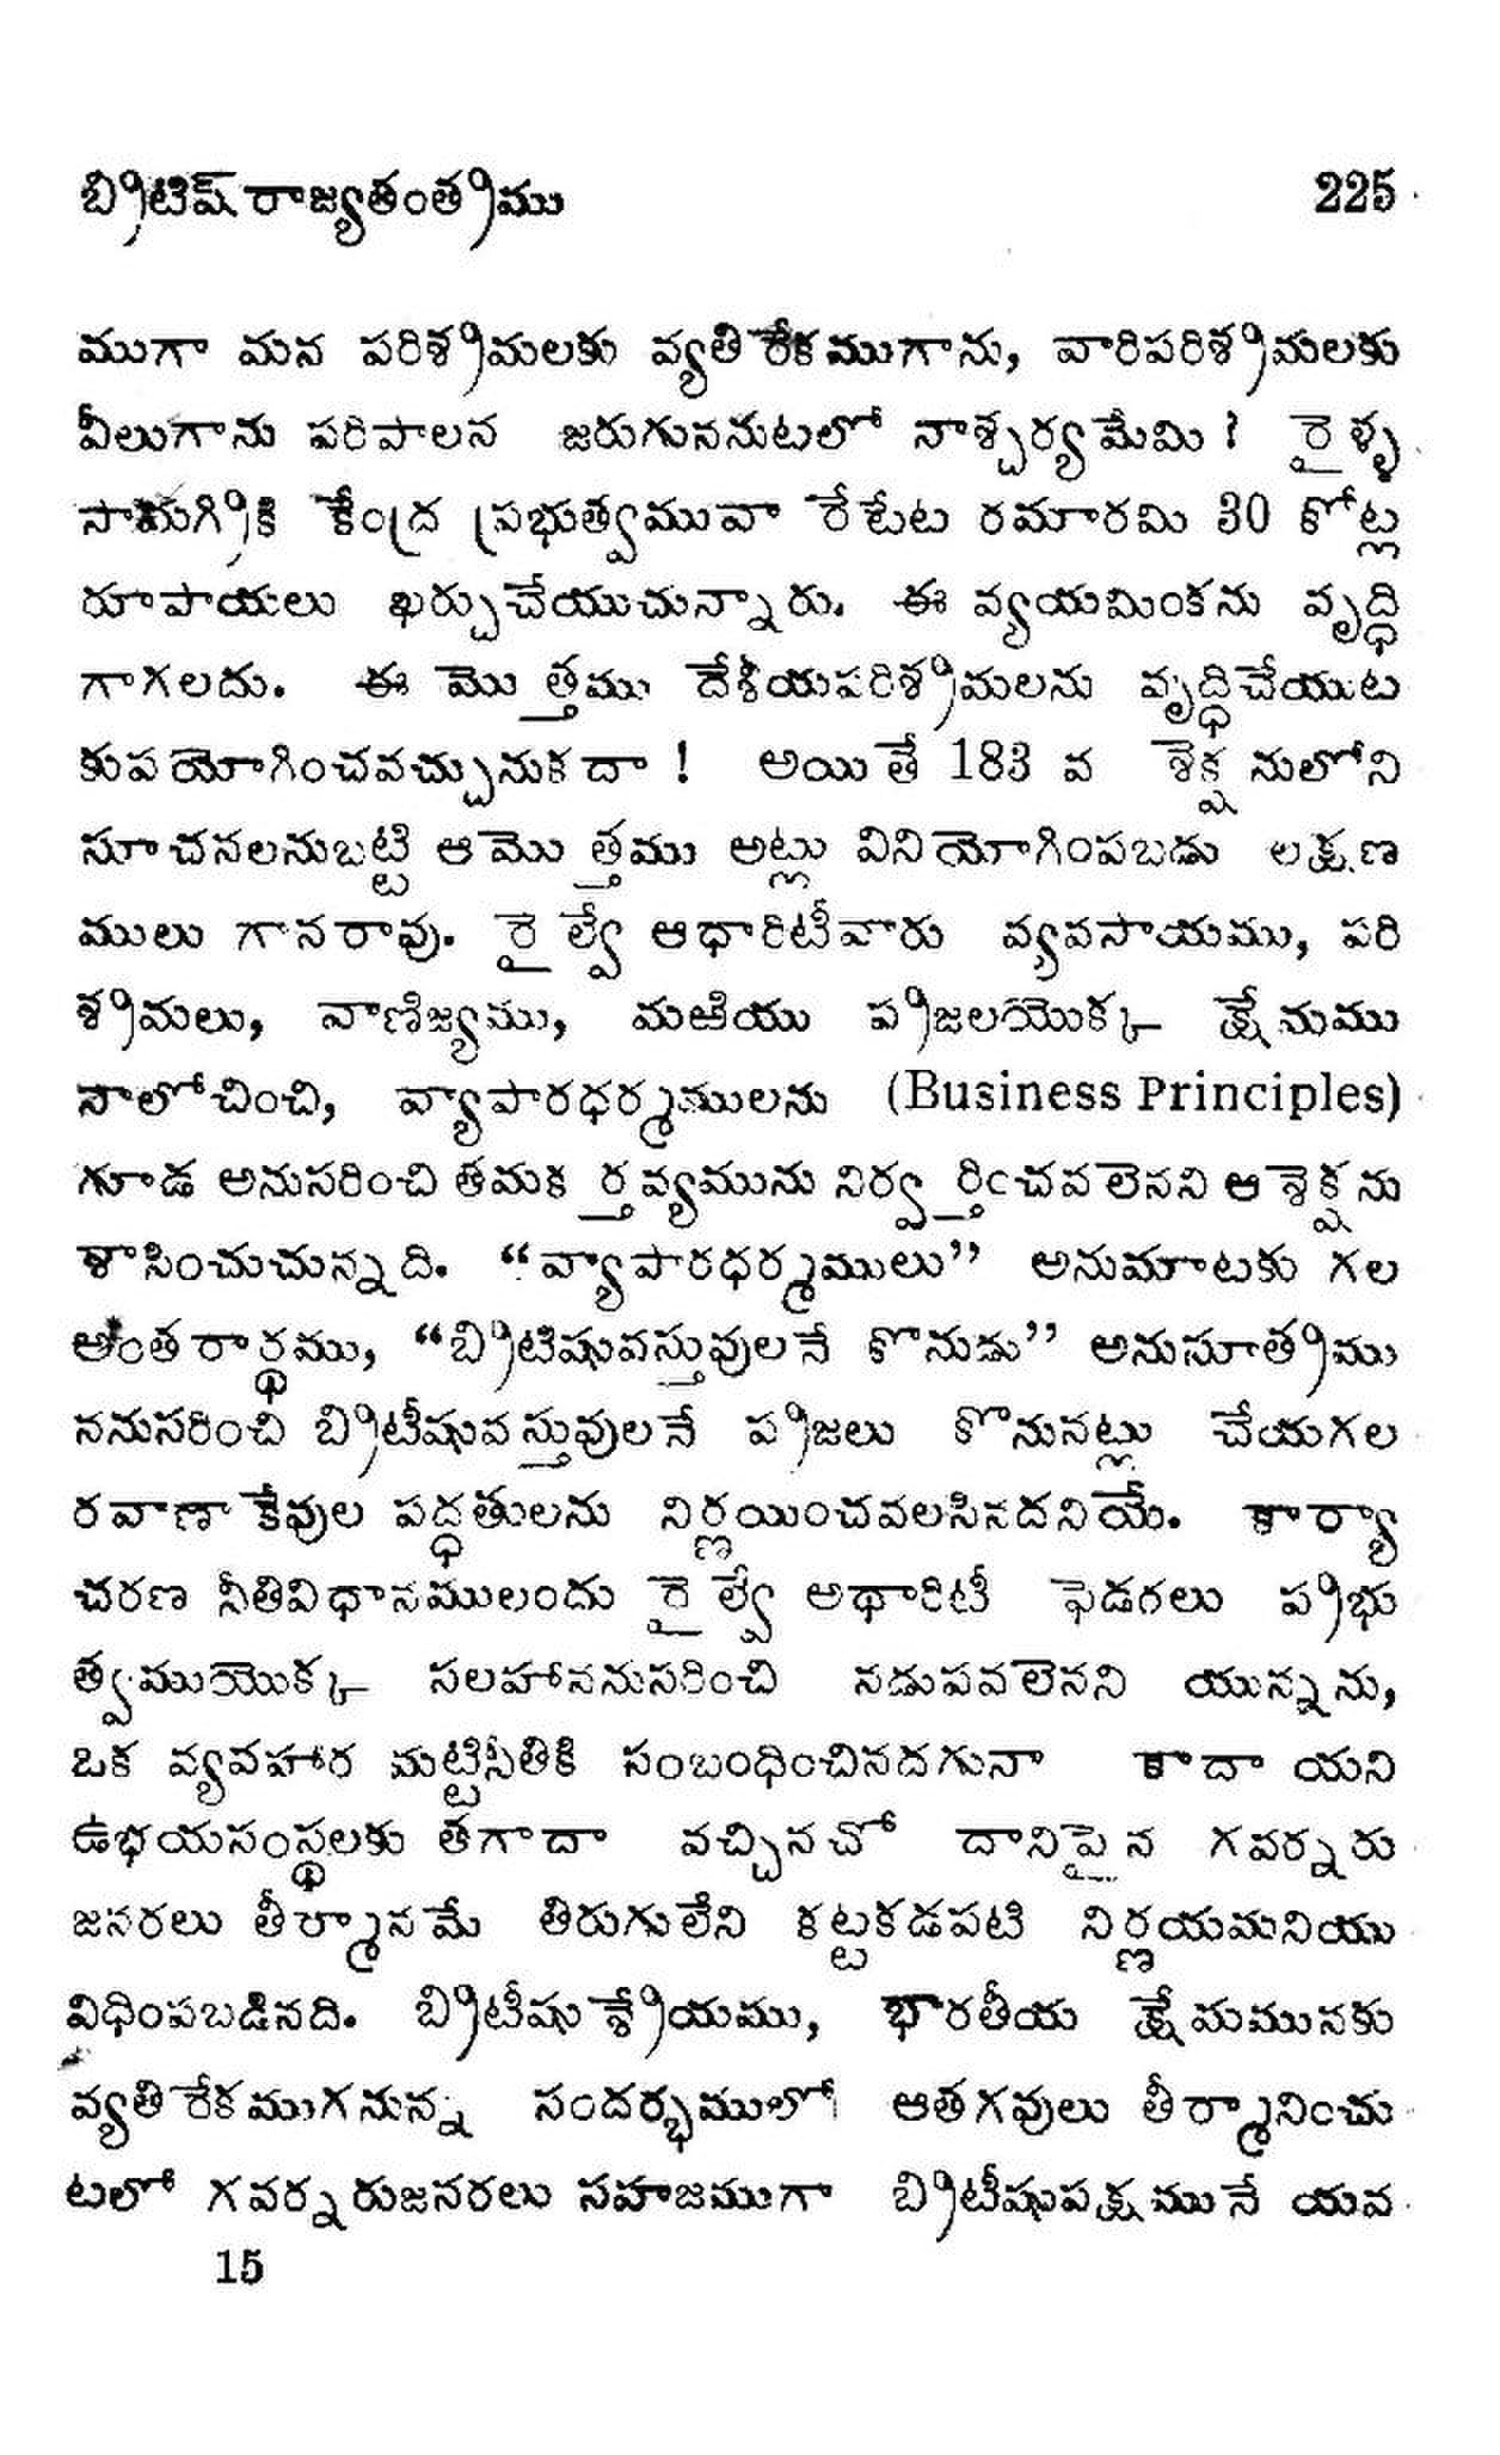ముగా మన పరిశ్రమలకు వ్యతిరేకముగాను, వారిపరిశ్రమలకు వీలుగాను పరిపాలన జరుగుననుటలో నాశ్చర్యమేమి ! రైళ్ళ సామగ్రికి కేంద్ర ప్రభుత్వమువా రేటేట రమారమి 30 కోట్ల రూపాయలు ఖర్చుచేయుచున్నారు. ఈ వ్యయమింకను వృద్ధిగాగలదు. ఈ మొత్తము దేశీయపరిశ్రమలను వృద్ధిచేయుట కుపయోగించవచ్చునుకదా ! అయితే 183 వ శెక్షనులోని సూచనలనుబట్టి ఆమొత్తము అట్లు వినియోగింపబడు లక్షణములు గానరావు. రైల్వే ఆధారిటీవారు వ్యవసాయము, పరిశ్రమలు, వాణిజ్యము, మఱియు ప్రజలయొక్క క్షేనుము నాలోచించి, వ్యాపారధర్మములను (Business Principles) గూడ అనుసరించి తమకర్తవ్యమును నిర్వర్తించవలెనని ఆ శెక్షను శాసించుచున్నది. "వ్యాపారధర్మములు” అనుమాటకు గల అంతరార్థము, “బిటిషువస్తువులనే కొనుడు" అనుసూత్రము ననుసరించి బిటీషువస్తువులనే ప్రజలు కొనునట్లు చేయగల రవాణా కేవుల పద్ధతులను నిర్ణయించవలసినదనియే. కార్యాచరణ నీతివిధాసములందు రైల్వే అథారిటీ ఫెడరలు ప్రభుత్వముయొక్క సలహాననుసరించి నడుపవలెనని యున్నను, ఒక వ్యవహార మట్టినీతికి సంబంధించినదగునా కాదా యని ఉభయసంస్థలకు తగాదా వచ్చినచో దానిపైన గవర్నరుజనరలు తీర్మానమే తిరుగులేని కట్టకడపటి నిర్ణయమనియు విధింపబడినది. బ్రిటీషుశ్రేయము, భారతీయ క్షేమమునకు వ్యతిరేకముగనున్న సందర్భములో ఆతగవులు తీర్మానించుటలో గవర్నరుజనరలు సహజముగా బ్రిటీషుపక్షమునే యవ